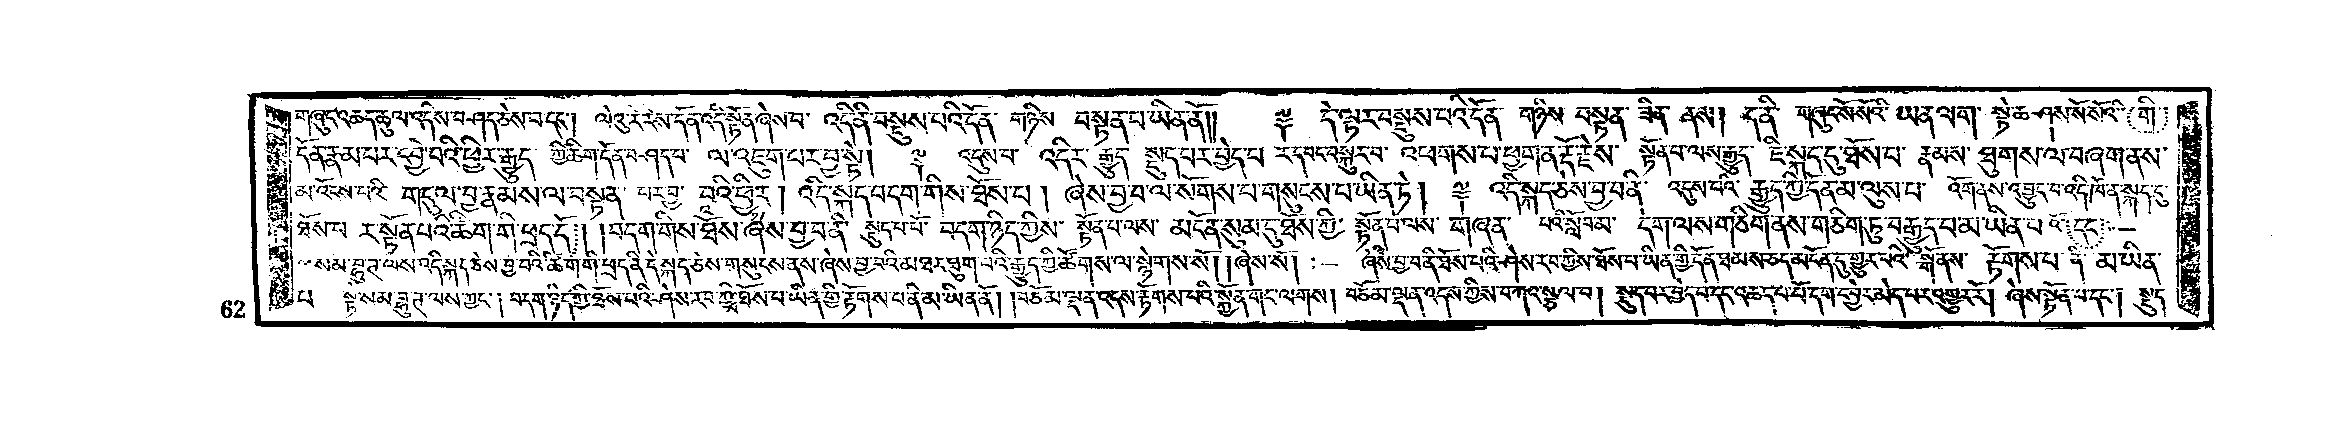གཞུང་འཆད་ཚུལ་འདིས་བཤད་ཅེས་པ་དང་། ལེའུ་རེ་རེས་དོན་འདི་སྟོན་ཞེས་པ་འདི་ནི་བསྡུས་པའི་དོན་གཉིས་བསྟན་པ་ཡིན་ནོ།། ༈ དེ་ལྟར་བསྡུས་པའི་དོན་གཉིས་བསྟན་ཟིན་ནས། ད་ནི་གཞུང་སོ་སོའི་ཡན་ལག་སྟེ་ཆ་ཤས་སོ་སོའི་གི་
དོན་རྣམ་པར་དབྱེ་བའི་ཕྱིར་རྒྱུད་ཀྱི་ཚིག་དོན་བཤད་པ་ལ་འཇུག་པར་བྱ་སྟེ། ༈ འདུས་པ་འདིར་རྒྱུད་སྡུད་པར་བྱེད་པར་དབང་བསྐུར་བ་འཕགས་པ་ཕྱག་ན་རྡོ་རྗེས་སྟོན་པ་ལས་རྒྱུད་ཇི་སྐད་དུ་ཐོས་པ་རྣམས་ཐུགས་ལ་བཞག་ནས་
མ་འོངས་པའི་གདུལ་བྱ་རྣམས་ལ་བསྟན་པར་བྱ་བའི་ཕྱིར། འདི་སྐད་བདག་གིས་ཐོས་པ། ཞེས་བྱ་བ་ལ་སོགས་པ་གསུངས་པ་ཡིན་ཏེ། ༈ འདི་སྐད་ཅེས་བྱ་བ་ནི། འདུས་པའི་རྒྱུད་ཀྱི་དོན་མ་ལུས་པ་འོག་ནས་འབྱུང་བ་འདི་ཁོ་ན་སྐད་དུ་
ཐོས་པར་སྟོན་པའི་ཚིག་གི་ཕྲད་དོ། །བདག་གིས་ཐོས་ཞེས་བྱ་བ་ནི་སྡུད་པ་པོ་བདག་ཉིད་ཀྱིས་སྟེན་པ་ལས་མངོན་སུམ་དུ་ཐོས་ཀྱི་སྟོན་པ་ལས་གཞན་པའི་སློབ་མ་དག་ལས་གཅིག་ནས་གཅིག་ཏུ་བརྒྱུད་པ་མ་ཡིན་པའོ་དང་
༧སམ་བྷུ་ཊ་ལས་འདི་སྐད་ཅེས་བྱ་བའི་ཚིག་གི་ཕྲད་ནི་དེ་སྐད་ཅེས་གསུངས་ནས་ཞེས་བྱ་བའི་མཐར་ཐུག་པའི་རྒྱུད་ཀྱི་ཚོགས་ལ་སྙེགས་སོ། །ཞེས་སོ།H.་ཞེས ༣་བྱ་བ་ནི་ཐོས་པའི་ཤེས་རབ་ཀྱིས་ཐོས་པ་ཡིན་གྱི་དོན་ཐམས་ཅད་མངོན་དུ་གྱུར་པའི་སྒོ་ནས་རྟོགས་པ་ནི་མ་ཡིན་
པ་སྟེ་སམ་བྷུ་ཊ་ལས་ཀྱང་། བདག་ཉིད་ཀྱི་ཐོས་པའི་ཤེས་རབ་ཀྱིས་ཐོས་པ་ཡིན་གྱི་རྟོགས་པ་ནི་མ་ཡིན་ནོ། །བཅོམ་ལྡན་འདས་རྟོགས་པའི་སྐྱོན་གང་ལགས། བཅོམ་ལྡན་འདས་ཀྱི་བཀའ་སྩལ་བ། སྡུད་པར་བྱེད་པ་དང་འཆད་པ་པོ་དག་དབྱེར་མེད་པར་འགྱུར་རོ། །ཞེས་སྟོན་པ་དང་། སྡུད